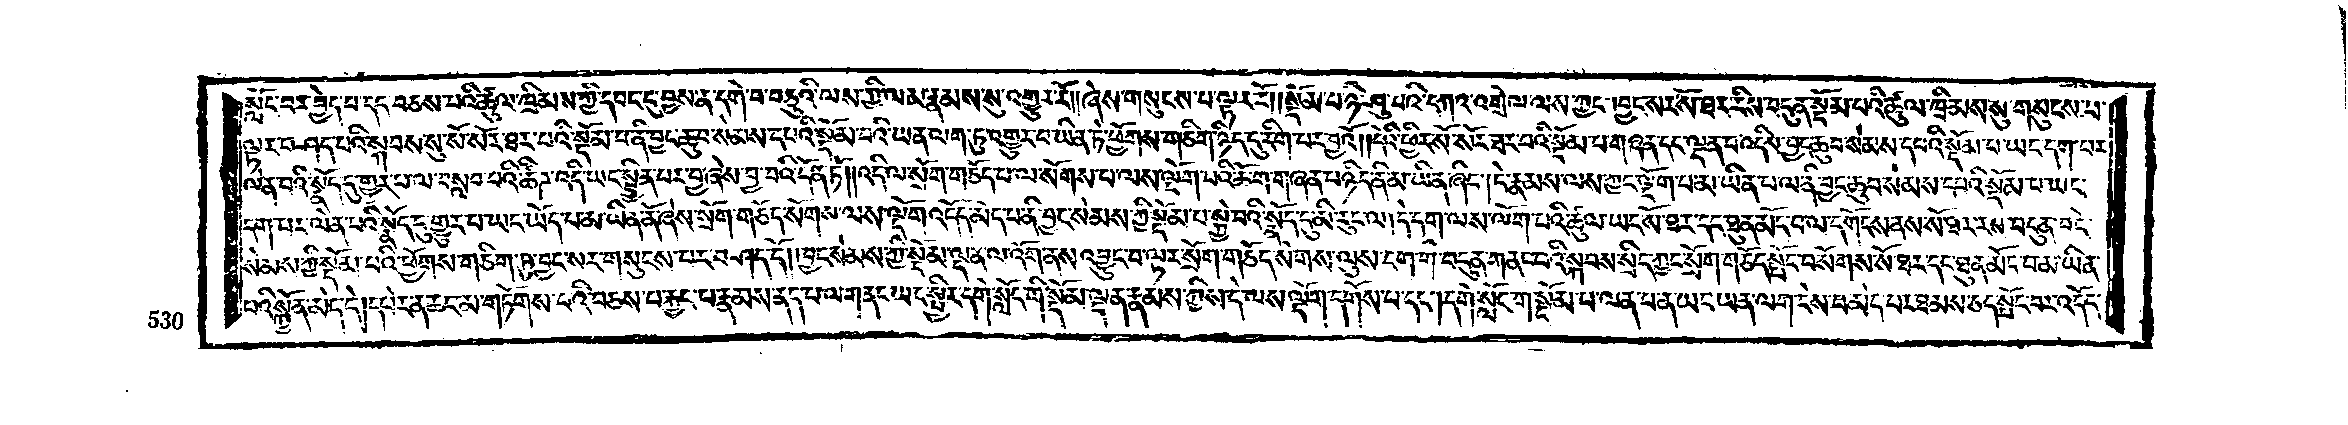སློང་བར་བྱེད་པ་དང་བཅས་པའི་ཚུལ་ཁྲིམས་ཀྱི་དབང་དུ་བྱས་ན་དགེ་བ་བཅུའི་ལས་ཀྱི་ལམ་རྣམས་སུ་འགྱུར་རོ། །ཞེས་གསུངས་པ་ལྟར་རོ། །སྡོམ་པ་ཉི་ཤུ་པའི་དཀའ་འགྲེལ་ལས་ཀྱང་། བྱང་སར་སོ་ཐར་རིས་བདུན་སྡོམ་པའི་ཚུལ་ཁྲིམས་སུ་གསུངས་པ་
ལྟར་བཤད་པའི་སྐབས་སུ་སོ་སོར་ཐར་པའི་སྡོམ་པ་ནི་བྱང་ཆུབ་སེམས་དཔའི་སྡོམ་པའི་ཡན་ལག་ཏུ་འགྱུར་བ་ཡིན་ཏེ་ཕྱོགས་གཅིག་ཉིད་དུ་རིག་པར་བྱའོ། །དེའི་ཕྱིར་སོ་སོར་ཐར་པའི་སྡོམ་པ་གཞན་དང་ལྡན་པ་འདིས་བྱང་ཆུབ་སེམས་དཔའི་སྡོམ་པ་ཡང་དག་པར་
ལེན་པའི་སྣོད་དུ་གྱུར་པ་ལ་བསླབ་པའི་ཚིགས་འདི་ཡང་སྦྱིན་པར་བྱ་ཞེས་བྱ་བའི་དོན་ཏོ། །འདི་ལ་སྲོག་གཅོད་པ་ལ་སོགས་པ་ལས་ལྡོག་པའི་ཆོ་ག་གཞན་པ་ཉིད་ནི་མ་ཡིན་ཞིང་། དེ་རྣམས་ལས་ཀྱང་ལྡོག་པ་མ་ཡིན་པ་ལ་ནི་བྱང་ཆུབ་སེམས་དཔའི་སྡོམ་པ་ཡང་
དག་པར་ལེན་པའི་སྣོད་དུ་གྱུར་པ་ཡང་ཡོད་པ་མ་ཡིན་ནོ་ཞེས་སྲོག་གཅོད་སོགས་ལས་ལྡོག་འདོད་མེད་པ་ནི་བྱང་སེམས་ཀྱི་སྡོམ་པ་སྐྱེ་བའི་སྣོད་དུ་མི་རུང་ལ། དེ་དག་ལས་ལོག་པའི་ཚུལ་ཡང་སོ་ཐར་དང་ཐུན་མོང་བ་ལ་དགོངས་ནས་སོ་ཐར་རས་བདུན་བདེ་
སེམས་ཀྱི་སྡོམ་པའི་ཕྱོགས་གཅིག་ཏུ་བྱང་སར་གསུངས་པར་བཤད་དོ། །བྱང་སེམས་ཀྱི་སྡོམ་ལྡན་ལ་འོག་ནས་འབྱུང་བ་ལྟར་སྲོག་གཅོད་སེགས་ལུས་ངག་གི་བདུན་གནང་བའི་སྐབས་སྲིད་ཀྱང་སྲོག་གཅོད་སྤོང་བ་སོགས་སོ་ཐར་དང་ཐུན་མོང་བ་མ་ཡིན་
པའི་སྐྱོན་མེད་དེ། དཔེར་ན་ཆང་མ་གཏོགས་པའི་བཅས་པ་རྐྱང་པ་རྣམས་ནད་པ་ལ་གནང་ཡང་སྤྱིར་དགེ་སློང་གི་སྡོམ་ལྡན་རྣམས་ཀྱིས་དེ་ལས་ལྡོག་དགོས་པ་དང་། དགེ་སློང་ག་སྡོམ་པ་ལན་པ་ན་ཡང་ཡན་ལག་ངེས་པ་མེད་པར་ཐམས་ཅད་སྤོང་བར་འདོད་